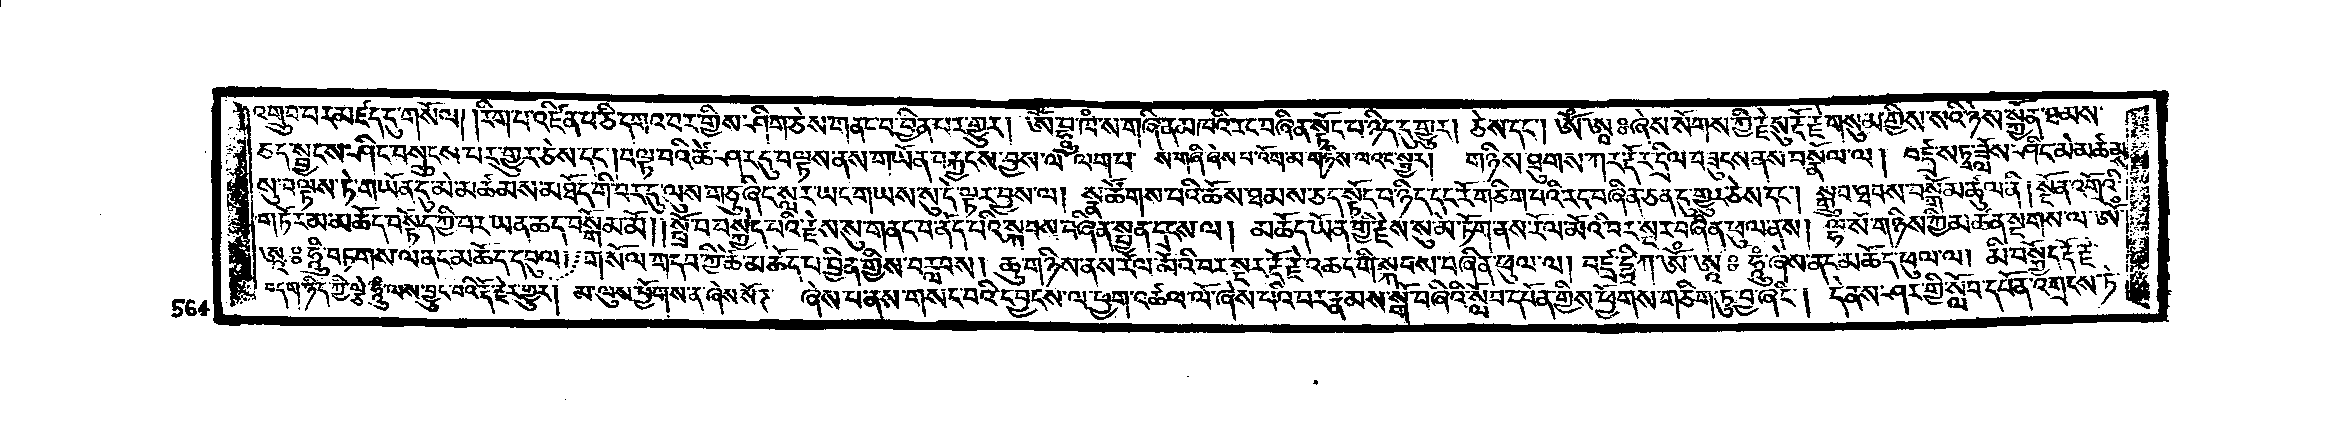འགྲུབ་པར་མཛད་དུ་གསོལ། །རིག་པ་འཛིན་པ་ཅི་དགའ་བར་གྱིས་ཤིག་ཅེས་གནང་བ་བྱིན་པར་གྱུར། ཨོཾ་བྷཱུ་ཁཾ་ས་གཞི་ནམ་མཁའི་རང་བཞིན་སྟོང་པ་ཉིད་དུ་གྱུར། ཅེས་དང་། ཨོཾ་ཨཱཿ ཞེས་སོགས་ཀྱི་རྗེས་སུ་རྡོ་རྗེ་གསུམ་གྱིས་སའི་ཉེས་སྐྱོན་ཐམས་
ཅད་སྦྱངས་ཤིང་བསྲུངས་པར་གྱུར་ཅེས་དང་། བལྟ་བའི་ཚེ་ཤར་དུ་བལྟས་ནས་གཡོན་བརྐྱངས་བྱས་ལ་ལག་པ་ས་གཞི་ཞེས་པ་འོག་མ་གཉིས་ལའང་སྦྱར།  གཉིས་ཐུགས་ཀར་རྡོར་དྲིལ་བཟུངས་ནས་བསྣོལ་ལ། བཛྲ་སཏྭ་ཟློས་ཤིང་མེ་མཚམས་
སུ་བལྟས་ཏེ་གཡོན་དུ་མེ་མཚམས་མཐོང་གི་བར་དུ་ལུས་གཅུ་ཞིང་སླར་ཡང་གཡས་སུ་དེ་ལྟར་བྱས་ལ། སྣ་ཚོགས་པའི་ཆོས་ཐམས་ཅད་སྟོང་པ་ཉིད་དང་རོ་གཅིག་པའི་རང་བཞིན་ཅན་དུ་གྱུར་ཅེས་དང་། སྒྲུབ་ཐབས་བསྒོམ་ཚུལ་ནི། སྔོན་འགྲོའི་
གཏོར་མ་མཆོད་བསྟོད་ཀྱི་བར་ཡན་ཆད་བསྒོམ་མོ། །སྤྲོ་བ་བསྐྱེད་པའི་རྗེས་སུ་གནང་བ་ནོད་པའི་སྐབས་བཞིན་སྤྱན་དྲངས་ལ། མཆོད་ཡོན་གྱི་རྗེས་སུ་མེ་ཏོག་ནས་རོལ་མོའི་བར་སྔར་བཞིན་ཕུལ་ནས། ལྷ་སོ་གཉིས་ཀྱི་མཚན་སྔགས་ལ་ཨོཾ་
ཨཱཿ ཧཱུཾ་བཏགས་ལ་ནང་མཆོད་དབུལ། གསོལ་གདབ་ཀྱི་ཚེ་མཆོད་པ་བྱིན་གྱིས་བརླབས། ཆུ་གཉིས་ནས་རོལ་མོའི་བར་སྔར་རྡོ་རྗེ་འཆང་གི་སྐབས་བཞིན་ཕུལ་ལ། བཛྲ་དྷྲི་ཀ་ཨོཾ་ཨཱཿ ཧཱུཾ་ཞེས་ནང་མཆོད་ཕུལ་ལ། མི་བསྐྱོད་རྡོ་རྗེ་
བདག་ཉིད་ཀྱི་ལྕེ་ཧཱུཾ་ལས་བྱུང་བའི་རྡོ་རྗེར་གྱུར། མ་ལུས་ཕྱོགས་ན་ཞེས་སོགས་ཞེས་པ་ནས་གསང་བའི་དབྱངས་ལ་ཕྱག་འཚལ་ལོ་ཞེས་པའི་བར་རྣམས་སྒོ་བཞིའི་སློབ་དཔོན་གྱིས་ཕྱོགས་གཅིག་ཏུ་བྱ་ཞིང་། དེ་ནས་ཤར་གྱི་སློབ་དཔོན་འགྲངས་ཏེ་